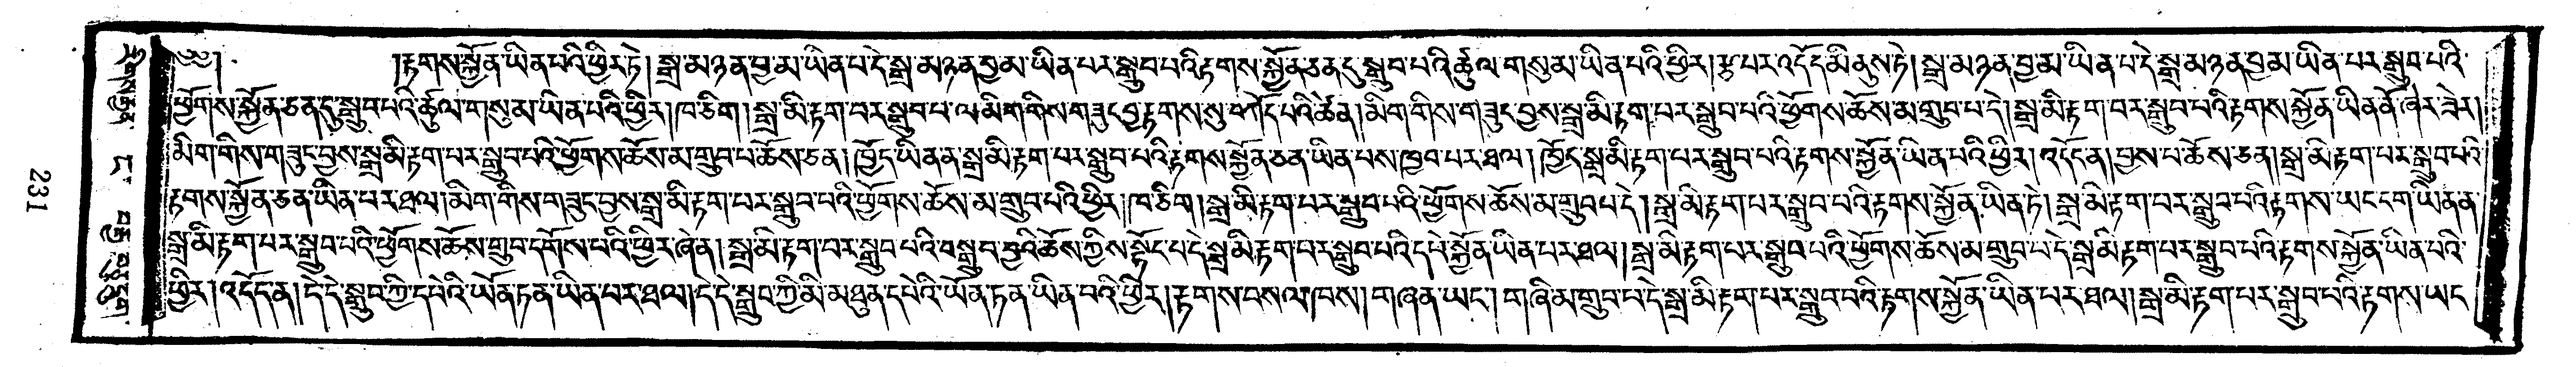༄༅། །རྟགས་སྐྱོན་ཡིན་པའི་ཕྱིར་ཏེ། སྒྲ་མཉན་བྱ་མ་ཡིན་པ་དེ་སྒྲ་མཉན་བྱ་མ་ཡིན་པར་སྒྲུབ་པའི་རྟགས་སྐྱོན་ཅན་དུ་སྒྲུབ་པའི་ཚུལ་གསུམ་ཡིན་པའི་ཕྱིར། རྩ་བར་འདོད་མི་ནུས་ཏེ། སྒྲ་མཉན་བྱ་མ་ཡིན་པ་དེ་སྒྲ་མཉན་བྱ་མ་ཡིན་པར་སྒྲུབ་པའི་
ཕྱོགས་སྐྱོན་ཅན་དུ་སྒྲུབ་པའི་ཚུལ་གསུམ་ཡིན་པའི་ཕྱིར། ཁ་ཅིག །སྒྲ་མི་རྟག་པར་སྒྲུབ་པ་ལ་མིག་གིས་གཟུང་བྱ་རྟགས་སུ་བཀོད་པའི་ཚེ་ན། མིག་གིས་གཟུང་བྱས་སྒྲ་མི་རྟག་པར་སྒྲུབ་པའི་ཕྱོགས་ཆོས་མ་གྲུབ་པ་དེ། སྒྲ་མི་རྟག་པར་སྒྲུབ་པའི་རྟགས་སྐྱོན་ཡིན་ནོ་ཞིར་?་ཟེར།
མིག་གིས་གཟུང་བྱས་སྒྲ་མི་རྟག་པར་སྒྲུབ་པའི་ཕྱོགས་ཆོས་མ་གྲུབ་པ་ཆོས་ཅན། ཁྱོད་ཡིན་ན་སྒྲ་མི་རྟག་པར་སྒྲུབ་པའི་རྟགས་སྐྱོན་ཅན་ཡིན་པས་ཁྱབ་པར་ཐལ། ཁྱེད་སྒྲ་མི་རྟག་པར་སྒྲུབ་པའི་རྟགས་སྐྱོན་ཡིན་པའི་ཕྱིར། འདོད་ན། བྱས་པ་ཆོས་ཅན། སྒྲ་མི་རྟག་པར་སྒྲུབ་པའི་
རྟགས་སྐྱོན་ཅན་ཡིན་པར་ཐལ། མིག་གིས་གཟུང་བྱས་སྒྲ་མི་རྟག་པར་སྒྲུབ་པའི་ཕྱོགས་ཆོས་མ་གྲུབ་པའི་ཕྱིར། ཁ་ཅིག །སྒྲ་མི་རྟག་པར་སྒྲུབ་པའི་ཕྱོགས་ཆོས་མ་གྲུབ་པ་དེ། སྒྲ་མི་རྟག་པར་སྒྲུབ་པའི་རྟགས་སྐྱོན་ཡིན་ཏེ། སྒྲ་མི་རྟག་པར་སྒྲུབ་པའི་རྟགས་ཡང་དག་ཡིན་ན་
སྒྲ་མི་རྟག་པར་སྒྲུབ་པའི་ཕྱོགས་ཆོས་གྲུབ་དགོས་པའི་ཕྱིར་ཞེ་ན། སྒྲ་མི་རྟག་པར་སྒྲུབ་པའི་བསྒྲུབ་བྱའི་ཆོས་ཀྱིས་སྟོང་པ་དེ་སྒྲ་མི་རྟག་པར་སྒྲུབ་པའི་དཔེ་སྐྱོན་ཡིན་པར་ཐལ། སྒྲ་མི་རྟག་པར་སྒྲུབ་པའི་ཕྱོགས་ཆོས་མ་གྲུབ་པ་དེ་སྒྲ་མི་རྟག་པར་སྒྲུབ་པའི་རྟགས་སྐྱོན་ཡིན་པའི་
ཕྱིར། འདོད་ན། དེ་དེ་སྒྲུབ་ཀྱི་དཔེའི་ཡོན་ཏན་ཡིན་པར་ཐལ། དེ་དེ་སྒྲུབ་ཀྱི་མི་མཐུན་དཔེའི་ཡོན་ཏན་ཡིན་པའི་ཕྱིར། རྟགས་བསལ་ཁས། གཞན་ཡང་། གཞི་མ་གྲུབ་པ་དེ་སྒྲ་མི་རྟག་པར་སྒྲུབ་པའི་རྟགས་སྐྱོན་ཡིན་པར་ཐལ། སྒྲ་མི་རྟག་པར་སྒྲུབ་པའི་རྟགས་ཡང་